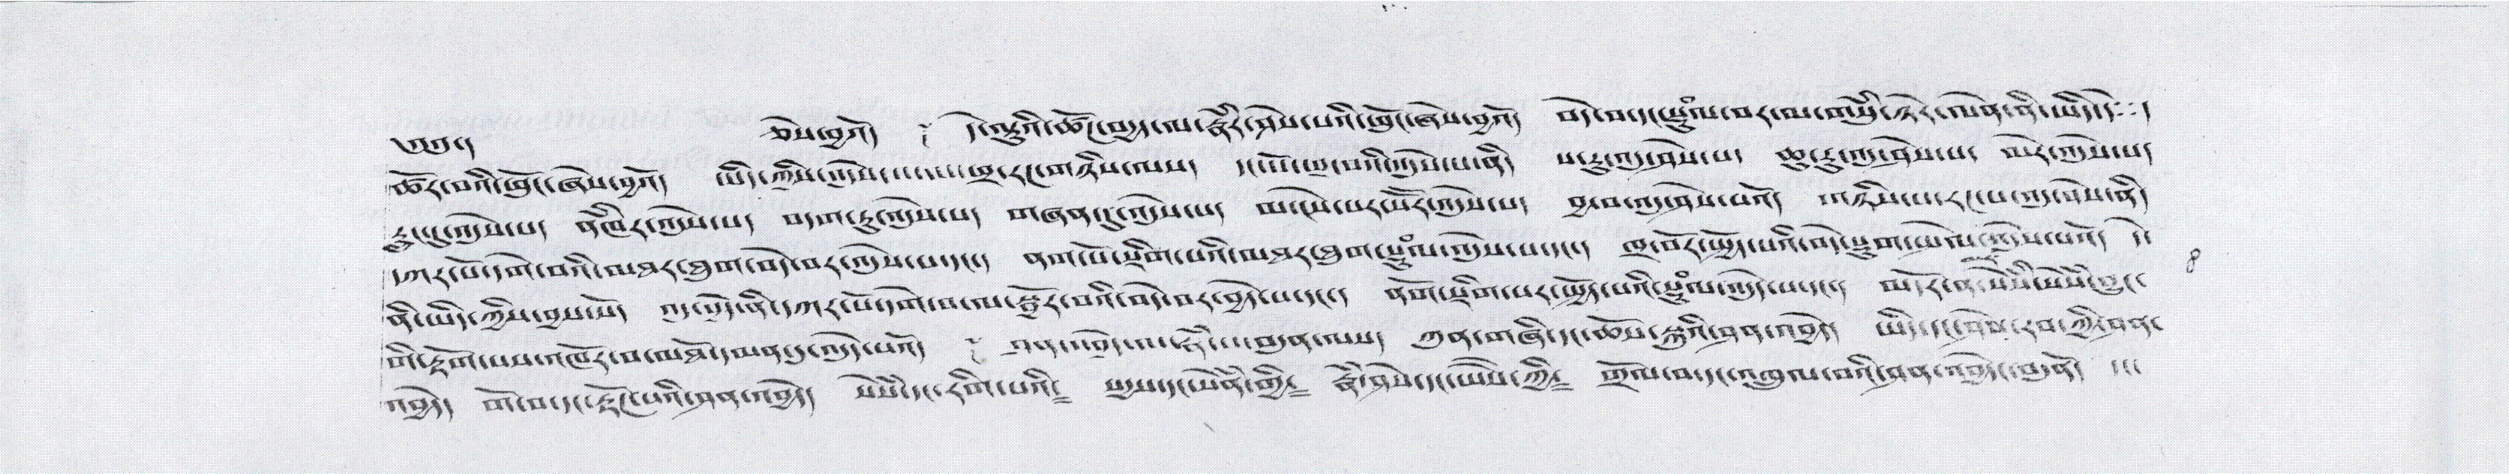ཅེས་བྱའོ། ༑ དེ་ལྟ་བུའི་ཚོགས་བརྒྱད་ལ་རྣམ་པར་ཤེས་པའི་ཕུང་པོ་ཞེས་བྱའོ། བདེ་བ་དང་སྡུག་བསྔལ་བར་མ་གསུམ་ཉེར་ལེན་ནི་ཡིད་དེ། 
ཚོར་བའི་ཕུང་པོ་ཞེས་བྱའོ། ཡིད་ཀྱི་འདུ་ཤེས་༼༽ཕྲ་རག་གཉིས་ལས། དང་པོ་ཕྲ་བའི་འདུ་ཤེས་པ་ནི། ས་རུ་འདུ་ཤེས་པ། ཆུ་རུ་འདུ་ཤེས་པ། མེར་འདུ་ཤེས་པ། 
རླུང་དུ་འདུ་ཤེས་པ། ནམ་མཁར་འདུ་ཤེས་པ། བདག་ཏུ་འདུ་ཤེས་པ། གཞན་དུ་འདུ་ཤེས་པ། མ་ངེས་པར་སོ་སོར་འདུ་ཤེས་པ། བྱ་བ་འདུ་ཤེས་པའོ། གཉིས་པ་རགས་པ་འདུ་ཤེས་ནི། 
དཀར་པོ་དགེ་བའི་མཐར་ཐུག་བདེ་བར་འདུ་ཤེས་པ་དང། ནག་པོ་སྡིག་པའི་མཐར་ཐུག་སྡུག་བསྔལ་འདུ་ཤེས་པ་དང། ཁྲ་བོར་སྤྱོད་པའི་བདེ་སྡུག་སྤེལ་མར་འདུ་ཤེས་པའོ། དེ་
ནི་ཡིད་ཀྱིས་བྱས་སོ། འདུ་བྱེད་ནི་དཀར་པོ་དགེ་བ་ལ་སྦྱོར་བའི་བདེ་བར་བྱེད་པ་དང། ནག་པོ་སྡིག་པར་སྤྱོད་པའི་སྡུག་བསྔལ་འདུ་ཤེས་པ་དང། མདོར་ན་སེམས་སེམས་བྱུང་
གི་རྟོག་པས་འཁོར་བ་མཐོ་དམན་དུ་འདུ་བྱེད་པའོ། ༑ ཤན་འབྱེད་ལ་རྣམ་པ་བདུན་ལས། ཀུན་གཞི་དང་ཆོས་སྐུའི་ཤན་འབྱེད། ཡིད་དང་ཤེས་རབ་ཀྱི་ཤན་འབྱེད། གོ་བ་དང་རྟོགས་པའི་ཤན་
འབྱེད། སེམས་དང་རིག་པའི་ཤན་འབྱེད། སངས་རྒྱས་དང་སེམས་ཅན་གྱི་ཤན་འབྱེད། རྣམ་ཤེས་དང་ཡེ་ཤེས་ཀྱི་ཤན་འབྱེད། གྲོལ་བ་དང་འཁྲུལ་བའི་ཤན་འབྱེད་དང་བདུན་ནོ། དང་